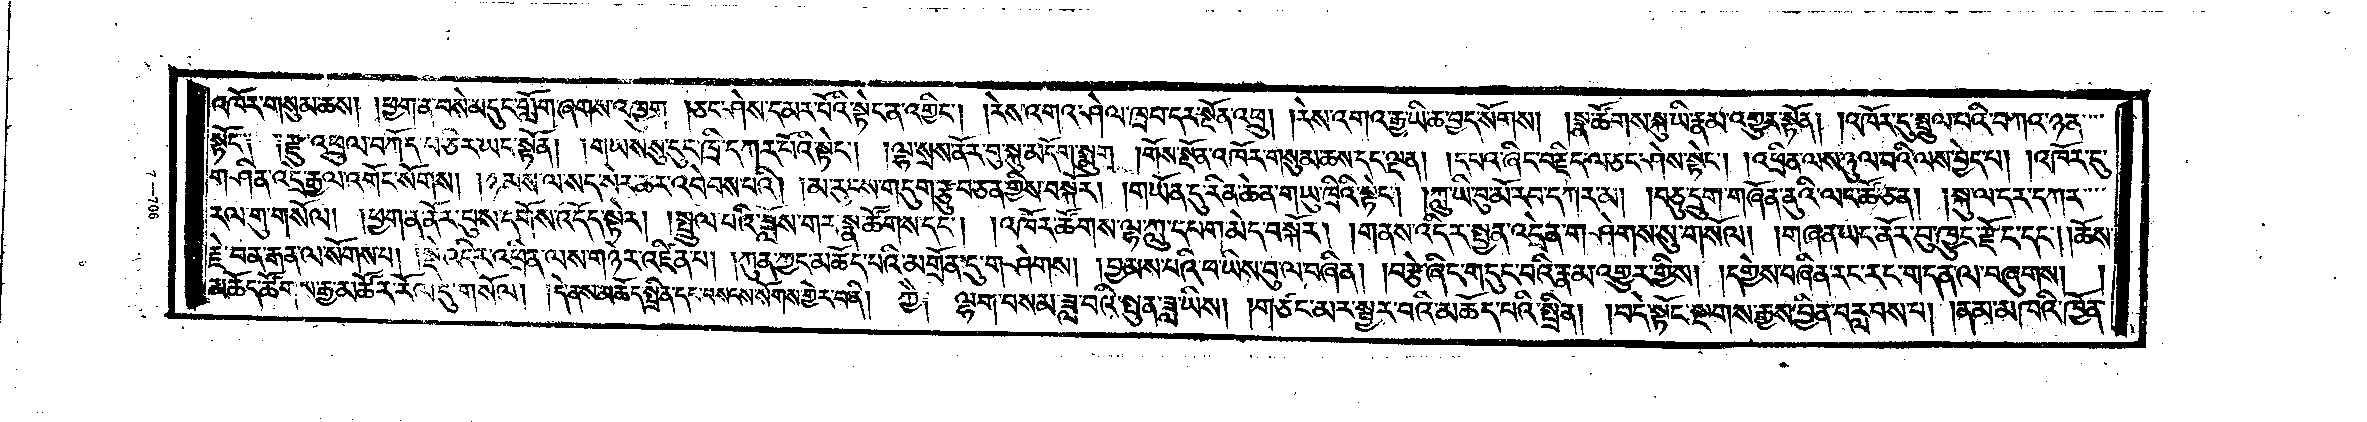འཁོར་གསུམ་ཆས། །ཕྱག་ན་བསེ་མདུང་གློག་ཞགས་འཁྱུག །ཅང་ཤེས་དམར་པོའི་སྟེང་ན་འགྱིང་། །རེས་འགའ་ཤེལ་ཁྲབ་དར་སྔོན་འཕྲུ། །རེས་འགའ་རྒྱ་ཡི་ཆ་བྱད་སོགས། །སྣ་ཚོགས་སྐུ་ཡི་རྣམ་འགྱུར་སྟོན། །འཁོར་དུ་སྤྲུལ་བའི་བཀའ་ཉན་
སྟོང༑ ༑རྫུ་འཕྲུལ་བཀོད་པ་ཅིར་ཡང་སྟོན། །གཡས་སུ་དུང་ཁྲི་དཀར་པོའི་སྟེང་། །ལྷ་སྲས་ནོར་བུ་སྐུ་མདོག་སྨུག །གོས་སྔོན་འཁོར་གསུམ་ཆས་དང་ལྡན། །དཔའ་ཞིང་བརྗིད་ལ་ཅང་ཤེས་སྟེང་། །འཕྲིན་ལས་ཉུལ་བའི་ལས་བྱེད་པ། །འཁོར་དུ་
གཤིན་འདྲེ་རྒྱལ་འགོང་སོགས། །ཉམས་ལ་སད་སེར་ཆར་འབེབས་པའི། །མ་རུངས་གདུག་རྩུབ་ཅན་གྱིས་བསྐོར། །གཡོན་དུ་རིན་ཆེན་གཡུ་ཁྲིའི་སྟེང་། །ཀླུ་ཡི་བུ་མོ་རབ་དཀར་མ། །བཅུ་དྲུག་གཞོན་ནུའི་ལང་ཚོ་ཅན། །སྐུ་ལ་དར་དཀར་
རལ་གུ་གསོལ། །ཕྱག་ན་ནོར་བུས་དགོས་འདོད་སྟེར། །སྤྲུལ་པའི་ཟློས་གར་སྣ་ཚོགས་དང་། །འཁོར་ཚོགས་ལྷ་ཀླུ་དཔག་མེད་བསྐོར། །གནས་འདིར་སྤྱན་འདྲེན་གཤེགས་སུ་གསོལ། །གཞན་ཡང་ནོར་བུ་ཁྱུང་རྫོང་དང་། །ཆོས་
རྗེ་བན་རྒན་ལ་སོགས་པ། །སྡེ་འདིར་འཕྲིན་ལས་གཉེར་འཛིན་པ། །ཀུན་ཀྱང་མཆོད་པའི་མགྲོན་དུ་གཤེགས། །བྱམས་པའི་ཕ་ཡིས་བུ་ལ་བཞིན། །བརྩེ་ཞིང་གདུང་བའི་རྣམ་འགྱུར་གྱིས། །དགྱེས་བཞིན་རང་རང་གདན་ལ་བཞུགས། །
མཆོད་ཚོགས་རྒྱ་མཚོར་རོལ་དུ་གསོལ། །དེ་ནས་མཆོད་སྤྲིན་དང་བསངས་སོགས་གྱེར་བ་ནི།  ཀྱཻ༑ ལྷག་བསམ་ཟླ་བའི་སྤུན་ཟླ་ཡིས། །གཙང་མར་སྦྱར་བའི་མཆོད་པའི་སྤྲིན། །བདེ་སྟོང་སྔགས་རྒྱས་བྱིན་བརླབས་པ། །ནམ་མཁའི་ཁྱོན་